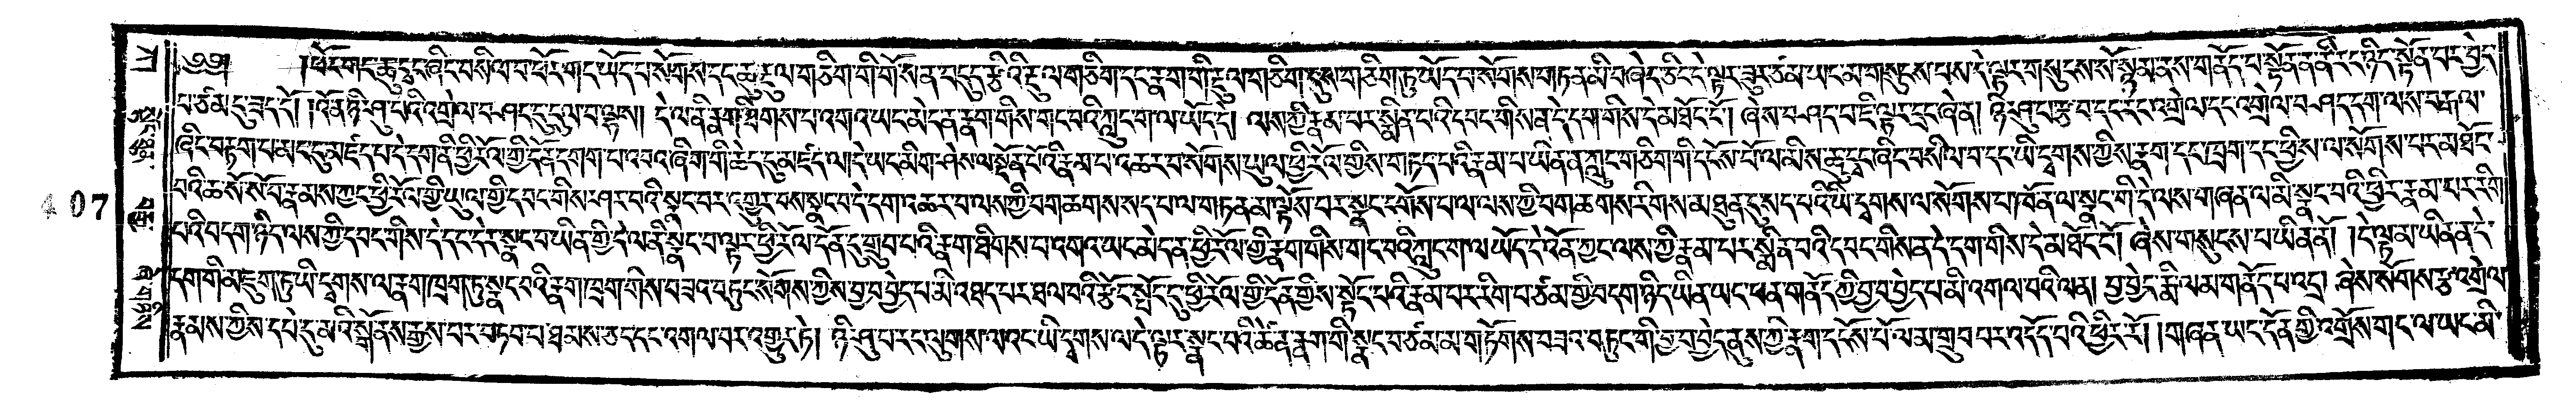༄༅། །ཕོར་གང་ཆུ་དྭང་ཞིང་བསིལ་བ་ཕོར་གང་ཡོད་པ་སོགས་དང་ཆུ་རྡུལ་གཅིག་གི་གོ་སན་བདུད་རྩིའི་རྡུལ་གཅིག་དང་རྣག་གི་རྡུལ་གཅིག་དུས་གཅིག་ཏུ་ཡོད་པ་སོགས་གཏན་མི་བཞེད་ཅིང་དེ་ལྟར་ཟུར་ཙམ་ཡང་མ་གསུངས་པས་དེ་ལྟར་གསུངས་སོ་སྙམ་ནས་གནོད་པ་སྟོན་ན་ནི་རང་ཉིད་སྟོན་བར་བྱེད་
པ་ཙམ་དུ་ཟད་དོ། །འོ་ན་ཉི་ཤུ་པའི་འགྲེལ་བཤད་དུ་དུལ་བ་ལྷས། དེ་ལ་ནི་རྣག་ཐིགས་པ་འགའ་ཡང་མེད་ན་རྣག་གིས་གང་བའི་ཀླུང་ག་ལ་ཡོད་དེ། ལས་ཀྱི་རྣམ་པར་སྨིན་པའི་དབང་གིས་ན་དེ་དག་གིས་དེ་མཐོང་ངོ། ཞེས་བཤད་པ་ཇི་ལྟར་དྲང་ཞེ་ན། ཉི་ཤུ་པ་རྩ་བ་དང་རང་འགྲེལ་དང་འགྲེལ་བཤད་དག་ལས་བརྒལ་
ཞིང་བརྟག་པ་མང་དུ་མཛད་པ་དེ་དག་ནི་ཕྱི་རོལ་གྱི་དོན་དགག་པ་འབའ་ཞིག་གི་ཆེད་དུ་མཛད་ལ། དེ་ཡང་མིག་ཤེས་ལ་སྔོན་པོའི་རྣམ་པ་འཆར་བ་སོགས་ཡུལ་ཕྱི་རོལ་གྱིས་གཏད་པའི་རྣམ་པ་ཡིན་ན་ཀླུང་གཅིག་གི་དངོས་པོ་ལ་མིས་ཆུ་དྭང་ཞིང་བསིལ་བ་དང་ཡི་དྭགས་ཀྱིས་རྣག་དང་ཁྲག་དང་ཕྱིས་ལ་སོགས་པར་མཐོང་
བའི་ཆ་སོ་སོ་བ་རྣམས་ཀྱང་ཕྱི་རོལ་གྱི་ཡུལ་གྱི་དབང་གིས་ཤར་བའི་སྣང་བར་འགྱུར་བས་སྣང་བ་དེ་དག་འཆར་བ་ལས་ཀྱི་བག་ཆགས་སད་པ་ལ་གཏན་མ་ལྟོས་བར་སྣང་དགོས་པ་ལ་ལས་ཀྱི་བག་ཆགས་རིགས་མཐུན་དུ་སད་པའི་ཡི་དྭགས་ལ་སོགས་པ་ཁོ་ན་ལ་སྣང་གི་དེ་ལས་གཞན་ལ་མི་སྣང་བའི་ཕྱིར་རྣམ་པར་རིག་
པའི་བདག་ཉིད་ལས་ཀྱི་དབང་གིས་དེ་དང་དེར་སྣང་བ་ཡིན་གྱི་དེ་ལ་ནི་སྣང་བ་ལྟར་ཕྱི་རོལ་དོན་དུ་གྲུབ་པའི་རྣག་ཐིགས་པ་འགའ་ཡང་མེད་ན་ཕྱི་རོལ་གྱི་རྣག་གིས་གང་བའི་ཀླུང་ག་ལ་ཡོད་དེ་འོན་ཀྱང་ལས་ཀྱི་རྣམ་པར་སྨིན་བའི་དབང་གིས་ན་དེ་དག་གིས་དེ་མཐོང་ངོ། ཞེས་གསུངས་པ་ཡིན་ནོ། །དེ་ལྟ་མ་ཡིན་ན་དེ་
དག་གི་མཇུག་ཏུ་ཡི་དྭགས་ལ་རྣག་ཁྲག་ཏུ་སྣང་བའི་རྣག་ཁྲག་གིས་བཟའ་བཏུང་སོགས་ཀྱིས་བྱ་བ་བྱེད་པ་མི་འཐད་པར་ཐལ་བའི་རྩོང་སྤོང་དུ་ཕྱི་རོལ་གྱི་དོན་གྱིས་སྟོང་པའི་རྣམ་བར་རིག་པ་ཙམ་གྱི་བདག་ཉིད་ཡིན་ཡང་ཕན་གནོད་ཀྱི་བྱ་བ་བྱེད་པ་མི་འགལ་བའི་ལན། བྱ་བྱེད་རྨི་ལམ་གནོད་པ་འདྲ། ཞེས་སོགས་རྩ་འགྲེལ་
རྣམས་ཀྱིས་དཔེ་དུ་མའི་སྒོ་ནས་རྒྱས་པར་བཏབ་པ་ཐམས་ཅད་དང་འགལ་བར་འགྱུར་ཏེ། ཉི་ཤུ་པ་རང་ལུགས་ལའང་ཡི་དྭགས་ལ་དེ་ལྟར་སྣང་བའི་ཚེ་ན་རྣག་གི་སྣང་བ་ཙམ་མ་གཏོགས་བཟའ་བཏུང་གི་བྱ་བ་བྱེད་ནུས་ཀྱི་རྣག་དངོས་པོ་ལམ་གྲུབ་པར་འདོད་པའི་ཕྱིར་རོ། །གཞན་ཡང་དོན་གྱི་འགྲོས་གང་ལ་ཡང་མི་